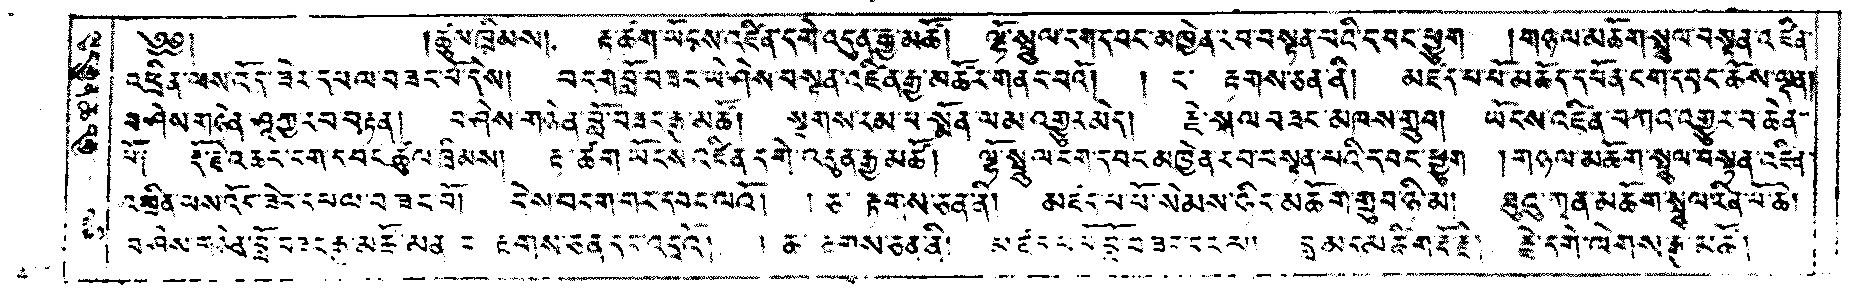༄༅། །ཚུལ་ཁྲིམས། རྟ་ཚག་ཡོངས་འཛིན་དགེ་འདུན་རྒྱ་མཚོ། ལྷོ་སྤྲུལ་ངག་དབང་མཁྱེན་རབ་བསྟན་པའི་དབང་ཕྱུག །གཉལ་མཆོག་སྤྲུལ་བསྟན་འཛིན་
འཕྲིན་ལས་འོད་ཟེར་དཔལ་བཟང་པོ་དེས། བདག་བློ་བཟང་ཡེ་ཤེས་བསྟན་འཛིན་རྒྱ་མཚོར་གནང་བའོ། །ང་རྟགས་ཅན་ནི། མཛད་པ་པོ་མཆོད་དབོན་ངག་དབང་ཆོས་ལྡན་
བཤེས་གཉེན་ཤཱཀྱ་རབ་བརྟན། བཤེས་གཉེན་བློ་བཟང་རྒྱ་མཚོ། སྔགས་རམ་པ་སྨོན་ལམ་འགྱུར་མེད། རྗེ་སྐལ་བཟང་མཁས་གྲུབ། ཡོངས་འཛིན་བཀའ་འགྱུར་བ་ཆེན་
པོ། རྡོ་རྗེ་འཆང་ངག་དབང་ཚུལ་ཁྲིམས། རྟ་ཚག་ཡོངས་འཛིན་དགེ་འདུན་རྒྱ་མཚོ། ལྷོ་སྤྲུལ་ངག་དབང་མཁྱེན་རབ་བསྟན་པའི་དབང་ཕྱུག །གཉལ་མཆོག་སྤྲུལ་བསྟན་འཛིན་
འཕྲིན་ལས་འོད་ཟེར་དཔལ་བཟང་པོ། དེས་བདག་གར་དབང་ལའོ། །ཅ་རྟགས་ཅན་ནི། མཛད་པ་པོ་སེམས་ཉིད་མཆོག་གྲུབ་ཉི་མ། ཐུའུ་ཀྭན་མཆོག་སྤྲུལ་རིན་པོ་ཆེ།
བཤེས་གཉེན་བློ་བཟང་རྒྱ་མཚོ་མན་ང་རྟགས་ཅན་དང་འདྲའོ། །ཆ་རྟགས་ཅན་ནི། མཛད་པ་པོ་བློ་བཟང་དར་མ། བླ་མ་དམ་ཚིག་རྡོ་རྗེ། རྗེ་དགེ་ལེགས་རྒྱ་མཚོ།